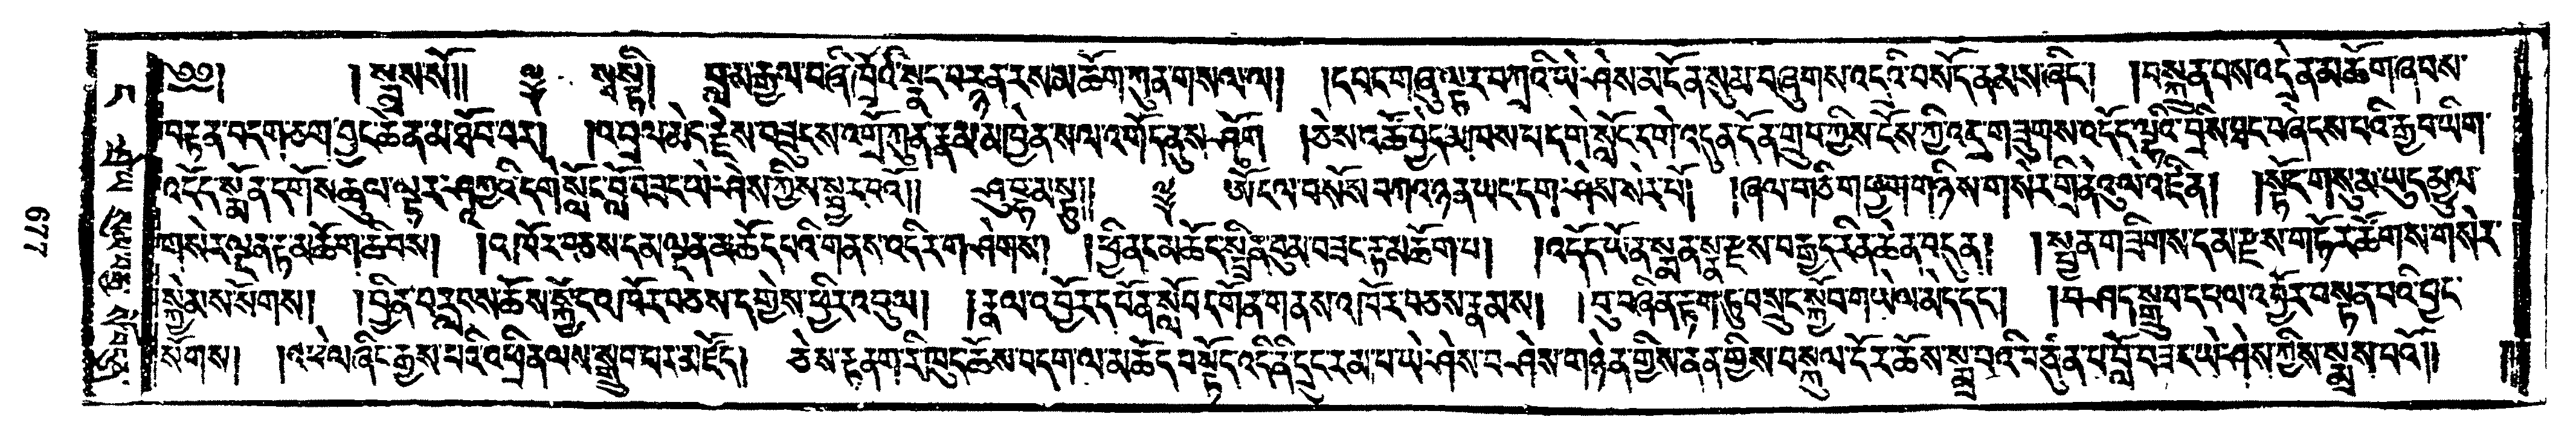༄༅། །སྨྲས་སོ།། ༈ སྭསྟི། བླ་མ་རྒྱལ་བ་ཞི་ཁྲོའི་སྣང་བརྙན་རས་མཆོག་ཀུན་གསལ་ལ། །དབང་གཞུ་ལྟར་བཀྲའི་ཡེ་ཤེས་མངོན་སུམ་བཞུགས་འདྲའི་བསོད་ནམས་ཞིང་། །བསྐྲུན་པས་འདྲེན་མཆོག་ཞབས་
བརྟན་བདག་ཅག་བྱང་ཆེན་མ་ཐོབ་བར། །འབྲལ་མེད་རྗེས་བཟུངས་འགྲོ་ཀུན་རྣམ་མཁྱེན་སལ་འགོད་ནུས་ཤོག །ཅེས་འཚོ་བྱེད་མཁས་པ་དགེ་སློང་དགེ་འདུན་དོན་གྲུབ་ཀྱིས་ངོས་ཀྱི་འདྲ་གཟུགས་འདོད་ལྷའི་བྲིས་ཐང་བཞེངས་པའི་རྒྱབ་ཡིག་
འདོད་སྨོན་དགོས་ཆུལ་ལྟར་ཤཱཀྱའི་དགེ་སློང་བློ་བཟང་ཡེ་ཤེས་ཀྱིས་སྦྱར་བའོ།། ཤུ་བྷ་མསྟུ།། ༈ ཨོཾ་ངལ་བ་སོས་བཀའ་ཉན་ཡང་དག་ཤེས་སེར་པོ། །ཞལ་གཅིག་ཕྱག་གཉིས་གསེར་གྲི་ནེའུ་ལེ་འཛིན། །སྟོང་གསུམ་ཡུད་མྱུལ་
གསེར་ལྡན་རྟ་མཆོག་ཆིབས། །འཁོར་བཅས་དམ་ལྡན་མཆོད་པའི་གནས་འདིར་གཤེགས། །ཕྱི་ནང་མཆོད་སྤྲིན་བུམ་བཟང་རྟ་མཆོག་པ། །འདོད་ཡོན་སྨན་སྣ་རྫས་བརྒྱད་རིན་ཆེན་བདུན། །སྤྱན་གཟིགས་དམ་རྫས་གཏོར་ཚོགས་གསེར་
སྐྱེམས་སོགས། །བྱིན་བརླབས་ཆོས་སྐྱོང་འཁོར་བཅས་དགྱེས་ཕྱིར་འབུལ། །རྣལ་འབྱོར་དཔོན་སློབ་དགོན་གནས་འཁོར་བཅས་རྣམས། །བུ་བཞིན་རྟག་ཏུ་བསྲུང་སྐྱོབ་གཡེལ་མེད་དང་། །བཤད་སྒྲུབ་དཔལ་འབྱོར་བསྟན་པའི་བྱང་
སོགས། །འཕེལ་ཞིང་རྒྱས་པའི་འཕྲིན་ལས་སྒྲུབ་པར་མཛོད། །ཅེས་རྟན་ག་རི་ཁུང་ཆོས་བདག་ལ་མཆོད་བསྟོད་འདི་ནི་དྲུང་རམ་པ་ཡེ་ཤེས་བཤེས་གཉེན་གྱིས་ནན་གྱིས་བསྐུལ་ངོར་ཆོས་སྨྲ་བའི་བཙུན་པ་བློ་བཟང་ཡེ་ཤེས་ཀྱིས་སྨྲས་པའོ།། །།